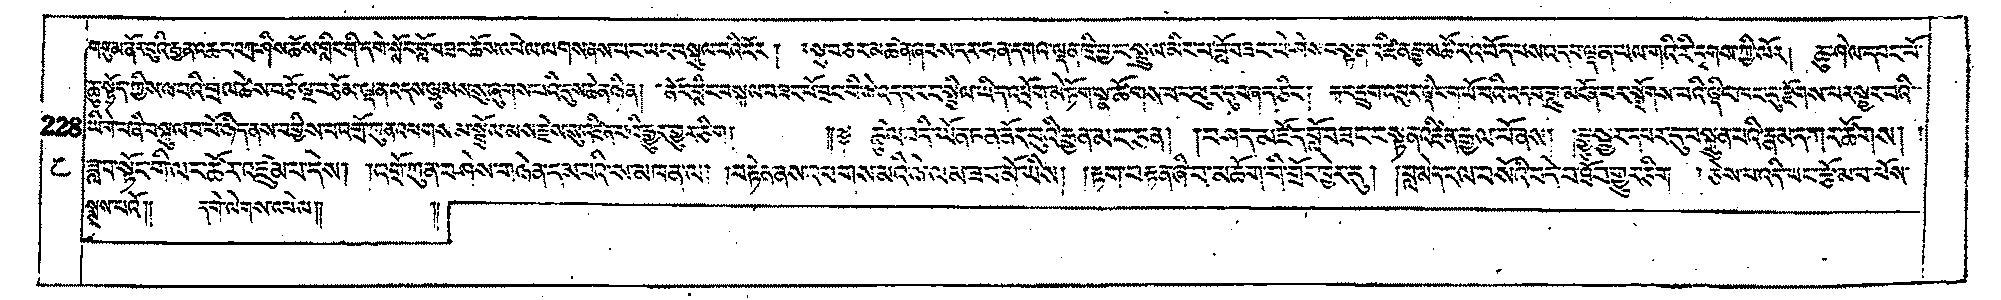གསུམ་ནོར་བུའི་རྒྱན་འཆང་བཀྲ་ཤིས་ཆོས་གླིང་གི་དགེ་སློང་བློ་བཟང་ཆོས་འཕེལ་ལགས་ནས་ཡང་ཡང་བསྐུལ་བའི་ངོར། ༧སྐུ་བཅར་མཚན་ཞབས་དར་ཧན་དགའ་ལྡན་ཁྲི་བྱང་སྤྲུལ་མིང་པ་བློ་བཟང་ཡེ་ཤེས་བསྟན་འཛིན་རྒྱ་མཚོར་འབོད་པས་འདབ་ལྡན་ཡལ་གའི་རི་དྭགས་ཀྱི་ལོར། ཆུ་ཤེལ་དབང་པོ་
ཆུ་སྟོད་ཀྱིས་ཉ་བའི་གྲལ་ཚེས་བཅོ་ལྔ་བཅོམ་ལྡན་འདས་ལྷུམས་སུ་ཞུགས་པའི་དུས་ཆེན་ཉིན། ནོར་གླིང་བསྐལ་བཟང་ཕོ་བྲང་གི་ཉེ་འདབ་རང་སྤྱི་ལ་ཡིད་འཕྲོག་མེ་ཏོག་སྣ་ཚོགས་ཕང་ཕུང་དུ་བཞད་ཅིང་། རྐང་དྲུག་འཕུར་ལྡིང་གཡོ་བའི་འདབ་གླུ་མངོན་པར་སྒྲོགས་པའི་ལྡིང་ཁང་དུ་རྫོགས་པར་སྦྱར་བའི་་་
ཡི་གེ་པ་ནི་བསྐུལ་བ་པོ་ཉིད་ནས་བགྱིས་པ་འགྲོ་ཀུན་འཕགས་མ་སྒྲོལ་མས་རྗེས་སུ་འཛིན་པའི་རྒྱུར་གྱུར་ཅིག། །།འ་ཚུལ་འདི་ཡོན་ཏན་ནོར་བུའི་རྒྱན་མང་ཅན། །བཤད་མཛོད་བློ་བཟང་བསྟན་འཛིན་རྒྱལ་པོ་ནས། །རྒྱུ་སྦྱར་དཔར་དུ་བསྐྲུན་པའི་རྣམ་དཀར་ཚོགས། །
ཟླ་བ་སྟོང་གི་ལང་ཚོར་འཛུམ་པ་དེས། །འགྲོ་ཀུན་བཤེས་གཉེན་དམ་པའི་ས་མཁན་ལ། །བརྟེན་ནས་འཕགས་མའི་ཉེ་ལམ་ཟབ་མོ་ཡིས། །རྟག་བརྟན་ཞི་བ་མཆོག་གི་གྲོང་ཁྱེར་དུ། །བླ་མེད་ངལ་བསོའི་བདེ་བ་ཐོབ་གྱུར་ཅིག །ཅེས་པ་འདི་ཡང་རྩོམ་པ་པོས་
སྨྲས་པའོ།། དགེ་ལེགས་འཕེལ།། །།